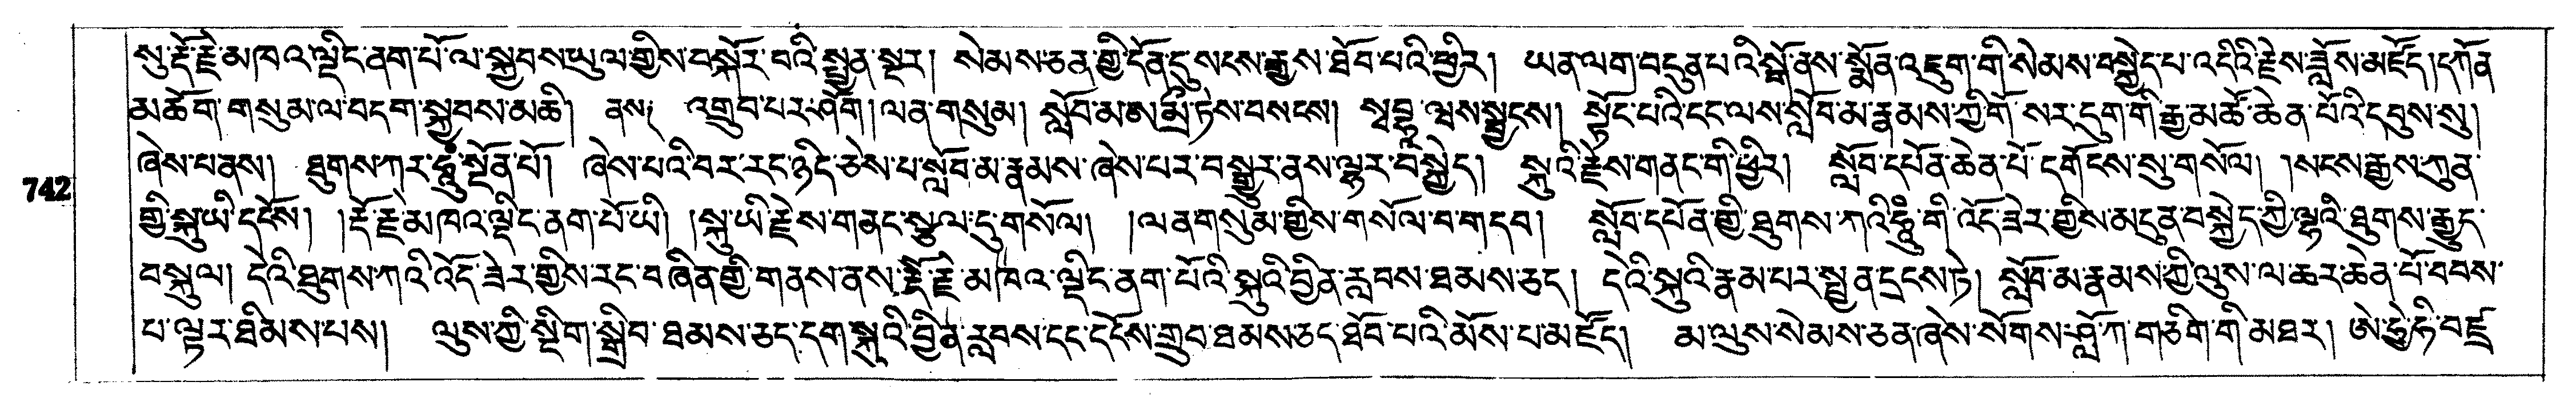སུ་རྡོ་རྗེ་མཁའ་ལྡིང་ནག་པོ་ལ་སྐྱབས་ཡུལ་གྱིས་བསྐོར་བའི་སྤྱན་སྔར། སེམས་ཅན་གྱི་དོན་དུ་སངས་རྒྱས་ཐོབ་པའི་ཕྱིར། ཡན་ལག་བདུན་པའི་སྒོ་ནས་སྨོན་འཇུག་གི་སེམས་བསྐྱེད་པ་འདིའི་རྗེས་ཟློས་མཛོད། དཀོན་
མཆོག་གསུམ་ལ་བདག་སྐྱབས་མཆི། ནས༑ འགྲུབ་པར་ཤོག །ལན་གསུམ། སློབ་མ་ཨ་མྲྀ་ཏེས་བསངས། སྭབྷཱ་ཝས་སྦྱངས། སྟོང་པའི་ངང་ལས་སློབ་མ་རྣམས་ཀྱི་གོ་སར་དུག་གི་རྒྱ་མཚོ་ཆེན་པོའི་དབུས་སུ།
ཞེས་པ་ནས། ཐུགས་ཀར་ཧཱུཾ་སྔོན་པོ། ཞེས་པའི་བར་རང་ཉིད་ཅེས་པ་སློབ་མ་རྣམས་ཞེས་པར་བསྒྱུར་ནས་ལྷར་བསྐྱེད། སྐུའི་རྗེས་གནང་གི་ཕྱིར། སློབ་དཔོན་ཆེན་པོ་དགོངས་སུ་གསོལ། །སངས་རྒྱས་ཀུན་
གྱི་སྐུ་ཡི་དངོས། །རྡོ་རྗེ་མཁའ་ལྡིང་ནག་པོ་ཡི། །སྐུ་ཡི་རྗེས་གནང་སྩལ་དུ་གསོལ། །ལན་གསུམ་གྱིས་གསོལ་བ་གདབ། སློབ་དཔོན་གྱི་ཐུགས་ཀའི་ཧཱུཾ་གི་འོད་ཟེར་གྱིས་མདུན་བསྐྱེད་ཀྱི་ལྷའི་ཐུགས་རྒྱུད་
བསྐུལ། དེའི་ཐུགས་ཀའི་འོད་ཟེར་གྱིས་རང་བཞིན་གྱི་གནས་ནས་རྡོ་རྗེ་མཁའ་ལྡིང་ནག་པོའི་སྐུའི་བྱིན་རླབས་ཐམས་ཅད། དེའི་སྐུའི་རྣམ་པར་སྤྱན་དྲངས་ཏེ། སློབ་མ་རྣམས་ཀྱི་ལུས་ལ་ཆར་ཆེན་པོ་བབས་
པ་ལྟར་ཐིམས་པས། ལུས་ཀྱི་སྡིག་སྒྲིབ་ཐམས་ཅད་དག་སྐུའི་བྱིན་རླབས་དང་དངོས་གྲུབ་ཐམས་ཅད་ཐོབ་པའི་མོས་པ་མཛོད། མ་ལུས་སེམས་ཅན་ཞེས་སོགས་ཤློ་ཀ་གཅིག་གི་མཐར། ཨེ་ཧྱེ་ཧི་བཛྲ་